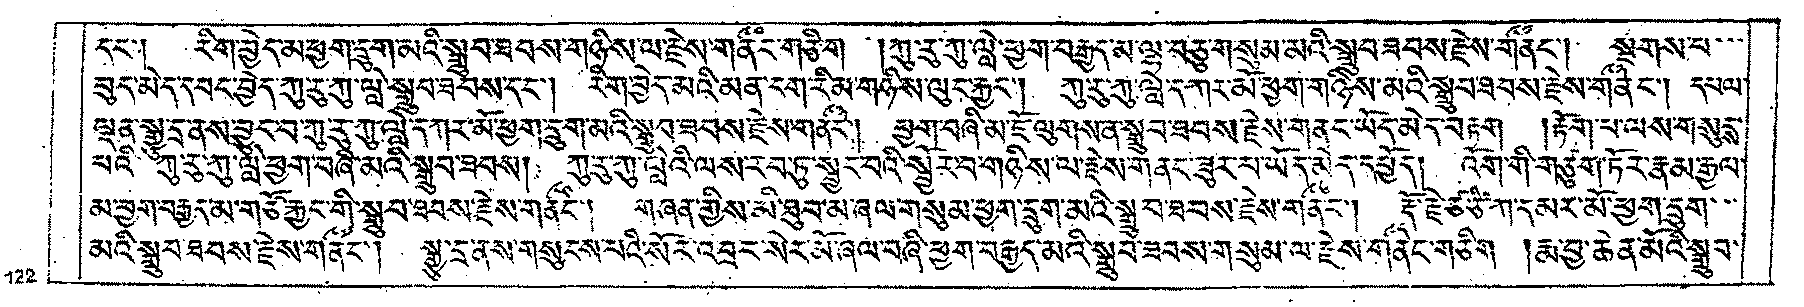དང་། རིག་བྱེད་མ་ཕྱག་དྲུག་མའི་སྒྲུབ་ཐབས་གཉིས་ལ་རྗེས་གནང ༩༠་གཅིག །ཀུ་རུ་ཀུ་ལླེ་ཕྱག་བརྒྱད་མ་ལྷ་བཅུ་གསུམ་མའི་སྒྲུབ་ཐབས་རྗེས་གནང ༩༡། སྔགས་པ་
བུད་མེད་དབང་བྱེད་ཀུ་རུ་ཀུ་ལླེ་སྒྲུབ་ཐབས་དང་། རིག་བྱེད་མའི་མན་ངག་རིམ་གཉིས་ལུང་རྐྱང་། ཀུ་རུ་ཀུ་ལླེ་དཀར་མོ་ཕྱག་གཉིས་མའི་སྒྲུབ་ཐབས་རྗེས་གནང ༩༢། དཔལ་
ལྡན་སྒྱུ་དྲ་ནས་བྱུང་བ་ཀུ་རུ་ཀུ་ལླེ་དཀར་མོ་ཕྱག་དྲུག་མའི་སྒྲུབ་ཐབས་རྗེས་གནང ༩༣། ཕྱག་བཞི་མ་ཇོ་ལུགས་ན་སྒྲུབ་ཐབས་རྗེས་གནང་ཡོད་མེད་བརྟག །རྟོག་པ་ལས་གསུངས་
པའི་ཀུ་རུ་ཀུ་ལླེ་ཕྱག་བཞི་མའི་སྒྲུབ་ཐབས། ཀུ་རུ་ཀུ་ལླེའི་ལས་རབ་ཏུ་སྦྱང་བའི་སྦྱོར་བ་གཉིས་ལ་རྗེས་གནང་ཟུར་པ་ཡོད་མེད་དཔྱོད། འོག་གི་གཙུག་ཏོར་རྣམ་རྒྱལ་
མ་ཕྱག་བརྒྱད་མ་གཙོ་རྐྱང་གི་སྒྲུབ་ཐབས་རྗེས་གནང ༩༤། གཞན་གྱིས་མི་ཐུབ་མ་ཞལ་གསུམ་ཕྱག་དྲུག་མའི་སྒྲུབ་ཐབས་རྗེས་གནང ༩༦། རྡོ་རྗེ་ཙ་ཙི་ཀ་དམར་མོ་ཕྱག་དྲུག་
མའི་སྒྲུབ་ཐབས་རྗེས་གནང ༩༧། སྒྱུ་དྲ་ནས་གསུངས་པའི་སོར་འབྲང་སེར་མོ་ཞལ་བཞི་ཕྱག་བརྒྱད་མའི་སྒྲུབ་ཐབས་གསུམ་ལ་རྗེས་གནང ༩༨་གཅིག །རྨ་བྱ་ཆེན་མོའི་སྒྲུབ་